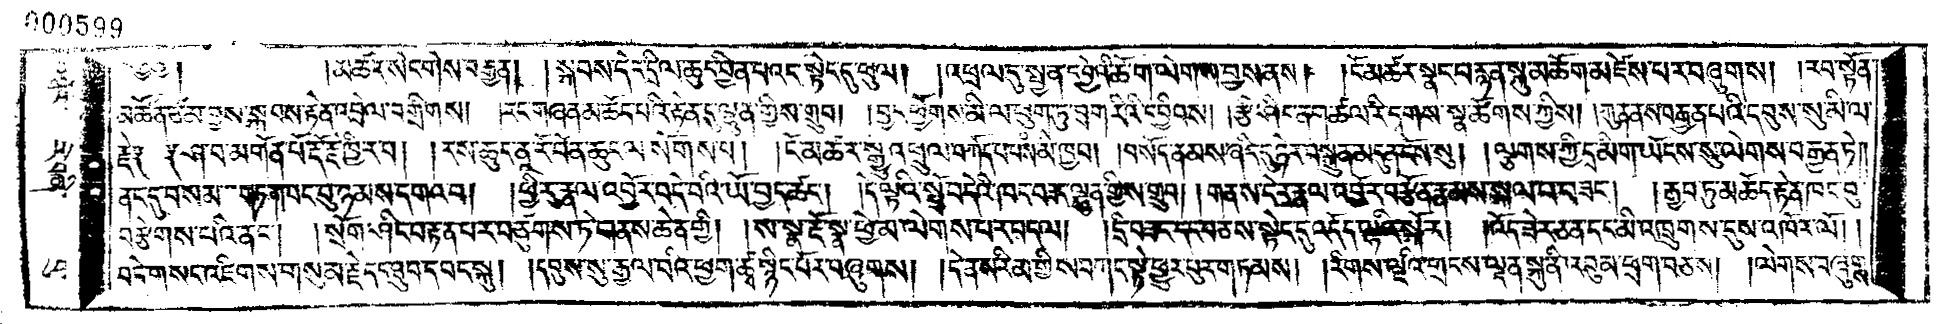༄༅། །མཚར་སེང་གེས་བརྒྱན། །སྐབས་དེར་དྲིལ་ཆུང་བྱིན་པའང་སྟེང་དུ་ཕུལ། །འཕྲལ་དུ་སྤྱན་དབྱེའི་ཆོ་ག་ལེགས་བྱས་ནས། །ངོ་མཚར་སྣང་བརྙན་སྐུ་མཆོག་མཛེས་པར་བཞུགས། །རབ་སྟོན་
མཚོན་ཙམ་བྱས་སྐབས་རྟེན་འབྲེལ་བགྲིགས། །རང་གཞན་མཆོད་པའི་རྟེན་དུ་ལྷུན་གྱིས་གྲུབ། །བྱང་ཕྱོགས་མི་ལ་ཕུག་ཏུ་བྲག་རིའི་དབྱིབས། །རྩི་ཤིང་ནག་ཚལ་རི་དྭགས་སྣ་ཚོགས་ཀྱིས། །ཀུན་ནས་བརྒྱན་པའི་དབུས་སུ་མི་ལ་
རྗེ༑ ༑ཤ་བ་མགོན་པོ་རྡོ་རྗེ་ཁྱིར་བ། །རས་ཆུང་ནཱ་རོ་བོན་ཆུང་ལ་སོགས་པ། །ངོ་མཚར་སྒྱུ་འཕྲུལ་བཀོད་པ་བསམ་མི་ཁྱབ། །བསོད་ནམས་ཞིང་དུ་ཉེར་བསྐྲུན་མདུན་ངོས་སུ། །ལྕགས་ཀྱི་དྲ་མིག་ཡོངས་སུ་ལེགས་བརྒྱན་ཏེ། །
ནང་དུ་བསམ་གཏན་ཁང་བུ་ཉམས་དགའ་བ། །ཕྱི་རུ་རྣལ་འབྱོར་བདེ་བའི་ཡོ་བྱད་ཚང་། །དེ་ལྟའི་སྤྲོ་བདེའི་ཁང་བཟང་ལྷུན་གྱིས་གྲུབ། །གནས་དེར་རྣལ་འབྱོར་བརྩོན་རྣམས་སྐལ་བ་བཟང་། །རྒྱབ་ཏུ་མཆོད་རྟེན་ཁང་བུ་
བརྩེགས་པའི་ནང་། །སྲོག་ཤིང་བརྟན་པར་བཙུགས་ཏེ་གནས་ཆེན་གྱི། །ས་སྣ་རྡོ་སྣ་ཕྱི་མ་ལེགས་པར་བདལ། །དྲི་བཟང་དང་བཅས་སྟེང་དུ་འདོད་ལྷའི་སྐོར། །འོད་ཟེར་ཅན་དང་མི་འཁྲུགས་དུས་འཁོར་ལོ། །
བདེ་གསང་འཇིགས་གསུམ་རྗེ་དང་ཐུབ་དབང་སྐུ། །དབུས་སུ་རྒྱལ་བའི་ཕྱག་ཚྭ་སྙིང་པོར་བཞུགས། །དེ་ནས་རིམ་གྱིས་བཀང་སྟེ་ཕྱུར་བུར་གཏམས། །རིགས་ལྔའི་གྲངས་ལྡན་སྐུ་ནི་འབུམ་ཕྲག་བཅས། །ལེགས་བཞུགས་